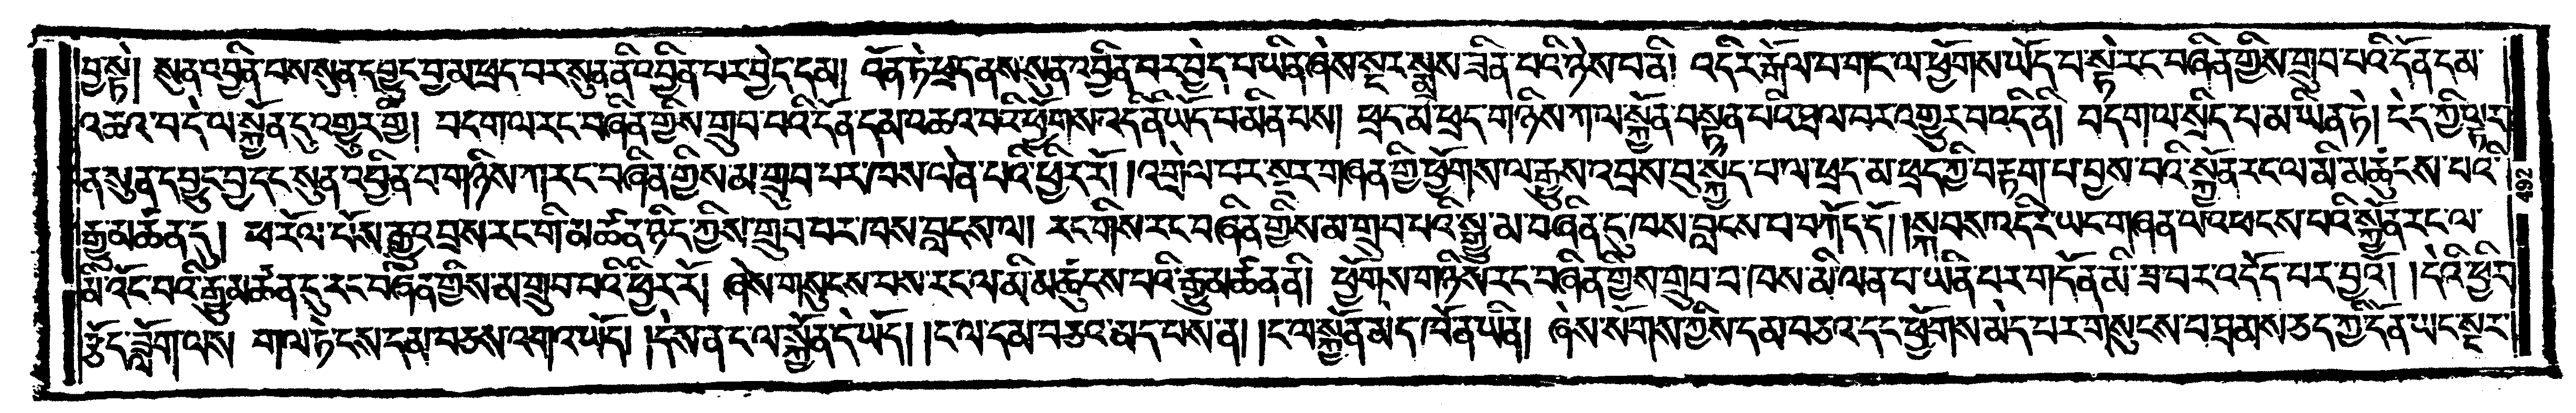བྱ་སྟེ། སུན་འབྱིན་པས་སུན་དབྱུང་བྱ་མ་ཕྲད་པར་སུན་ནི་འབྱིན་པར་བྱེད་དམ། འོན་ཏེ་ཕྲད་ནས་སུན་འབྱིན་པར་བྱེད་པ་ཡིན་ཞེས་སྔར་སྨྲས་ཟིན་པའི་ཉེས་པ་ནི། འདིར་རྒོལ་བ་གང་ལ་ཕྱོགས་ཡོད་པ་སྟེ་རང་བཞིན་གྱིས་གྲུབ་པའི་དོན་དམ་
འཆའ་བ་དེ་ལ་སྐྱོན་དུ་འགྱུར་གྱི། བདག་ལ་རང་བཞིན་ཀྱིས་གྲུབ་པའི་དོན་དམ་འཆའ་བའི་ཕྱོགས་འདི་ནི་ཡོད་པ་མིན་པས། ཕྲད་མ་ཕྲད་གཉིས་ཀ་ལ་སྐྱོན་བསྟན་པའི་ཐལ་བར་འགྱུར་བ་འདི་ནི། བདག་ལ་སྲིད་པ་མ་ཡིན་ཏེ། ངེད་ཀྱི་ལྟར་
ན་སུན་འབྱུང་བྱ་དང་སུན་འབྱིན་པ་གཉིས་ཀ་རང་བཞིན་གྱིས་མ་གྲུབ་པར་ཁས་ལེན་པའི་ཕྱིར་རོ། །འགྲེལ་པར་སྔར་གཞན་གྱི་ཕྱོགས་ལ་རྒྱུས་འབྲས་བུ་སྐྱེད་པ་ལ་ཕྲད་མ་ཕྲད་ཀྱི་བརྟག་པ་བྱས་པའི་སྐྱོན་རང་ལ་མི་མཚུངས་པའི་
རྒྱུ་མཚན་དུ། ཕ་རོལ་པོས་རྒྱུ་འབྲས་རང་གི་མཚན་ཉིད་ཀྱིས་གྲུབ་པར་ཁས་བླངས་ལ། རང་གིས་རང་བཞིན་གྱིས་མ་གྲུབ་པའི་སྒྱུ་མ་བཞིན་དུ་ཁས་བླངས་པ་བཀོད་དོ། །སྐབས་འདིར་ཡང་གཞན་ལ་འཕངས་པའི་སྐྱོན་རང་ལ་
མི་འོང་བའི་རྒྱུ་མཚན་དུ་རང་བཞིན་གྱིས་མ་གྲུབ་པའི་ཕྱིར་རོ། ཞེས་གསུངས་པས་རང་ལ་མི་མཚུངས་པའི་རྒྱུ་མཚན་ནི། ཕྱོགས་གཉིས་རང་བཞིན་གྱིས་གྲུབ་པ་ཁས་མི་ལེན་པ་ཡིན་པར་གདོན་མི་ཟ་བར་འདོད་པར་བྱའོ། །དེའི་ཕྱིར་
རྩོད་ཟློག་ལས། གལ་ཏེ་ངས་དམ་བཅས་འགའ་ཡོད། །དེས་ན་ང་ལ་སྐྱོན་དེ་ཡོད། །ང་ལ་དམ་བཅའ་མེད་པས་ན། །ང་ལ་སྐྱོན་མེད་ཁོ་ན་ཡིན། ཞེས་སོགས་ཀྱིས་དམ་བཅའ་དང་ཕྱོགས་མེད་པར་གསུངས་པ་ཐམས་ཅད་ཀྱི་དོན་ཡང་སྔར་